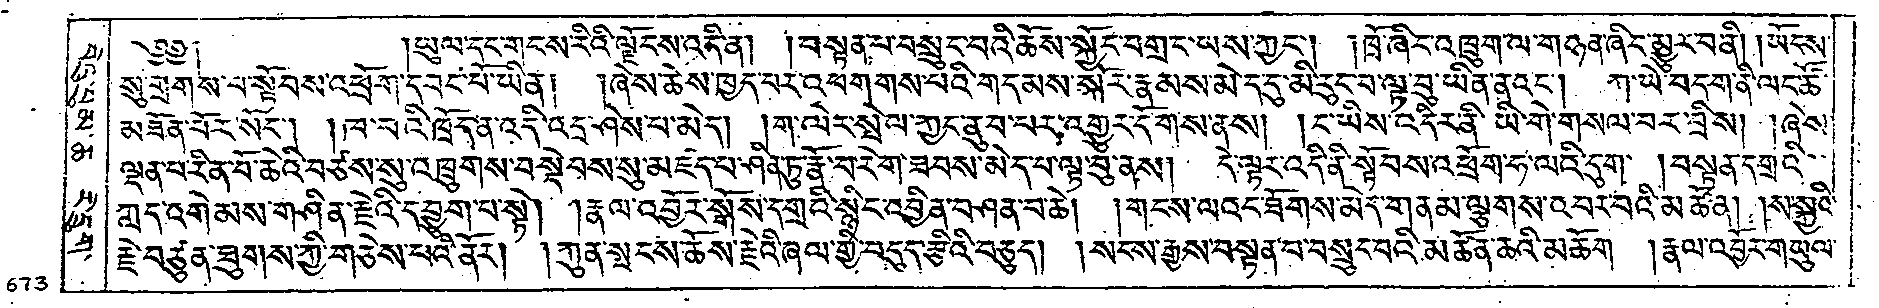༄༅། །ཡུལ་དང་གངས་རིའི་ལྗོངས་འདི་ན། །བསྟན་པ་བསྲུང་བའི་ཆོས་སྐྱོང་བགྲང་ཡས་ཀྱང་། །ཁྲོ་ཞིང་འཁྲུག་ལ་གཉན་ཞིང་མྱུར་བ་ནི། །ཡོངས་
སུ་གྲགས་པ་སྟོབས་འཕྲོག་དབང་པོ་ཡིན། །ཞེས་ཆེས་ཁྱད་པར་འཕགས་པའི་གདམས་སྐོར་རྣམས་མེད་དུ་མི་རུང་བ་ལྟ་བུ་ཡིན་ནའང་། ཀ་ཡེ་བདག་ནི་ལང་ཚོ་
མཐོན་པོར་སོང་། །ཁ་བའི་ཁྲོད་ན་འདི་འདྲ་ཤེས་པ་མེད། །ག་ལེར་སྤེལ་ཀྱང་ནུབ་པར་འགྱུར་དོགས་ནས། །ང་ཡིས་འདིར་ནི་ཡི་གེ་གསལ་བར་བྲིས། །ཞེས་
ལྡན་པ་རིན་པོ་ཆེའི་བཙས་སུ་འཁྲུགས་བསྡེབས་སུ་མཛད་པ་ཤིན་ཏུ་རྣོ་བ་རེག་ཐབས་མེད་པ་ལྟ་བུ་ནས། དེ་ལྟར་འདི་ནི་སྟོབས་འཕྲོག་ཧ་ལའི་དུག །བསྟན་དགྲའི་
ཀླད་འགེམས་གཤིན་རྗེའི་དབྱུག་པ་སྟེ། །རྣལ་འབྱོར་སྒོས་དགྲའི་སྙིང་འབྱིན་བཤན་པ་ཆེ། །གངས་ལའང་ཐོགས་མེད་གནམ་ལྕགས་འབར་བའི་མཚོན། །ས་སྐྱའི་
རྗེ་བཙུན་ཐུགས་ཀྱི་གཅེས་པའི་ནོར། །ཀུན་སྤངས་ཆོས་རྗེའི་ཞལ་གྱི་བདུད་རྩིའི་བཅུད། །སངས་རྒྱས་བསྟན་པ་བསྲུང་བའི་མཚོན་ཆའི་མཆོག །རྣལ་འབྱོར་གཡུལ་